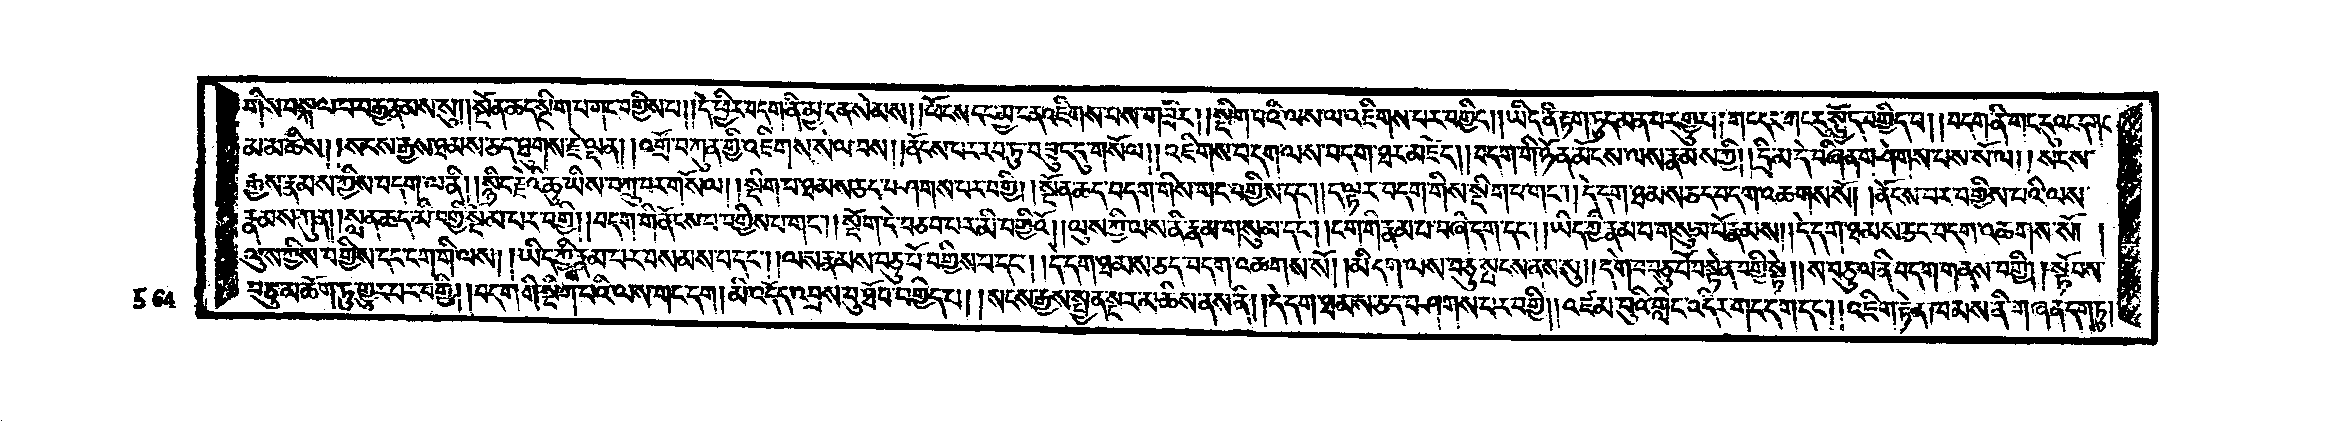གིས་བསྐལ་པ་བརྒྱ་ནམས་སུ། །སྔོན་ཆད་སྡིག་པ་གང་བགྱིས་པ། །དེ་ཕྱིར་བདག་ནི་མྱ་ངན་སེམས། །ཕོངས་དང་མྱ་ངན་འཇིགས་པས་གཟིར། །སྡིག་པའི་ལས་ལ་འཇིགས་པར་བགྱིད། །ཡིད་ནི་རྟག་ཏུ་དམན་པར་གྱུར། །གང་དང་གང་དུ་སྤྱོད་བགྱིད་པ། །བདག་ནི་གང་དུའང་དགང་
བ་མཆིས། །སངས་རྒྱས་ཐམས་ཅད་ཐུགས་རྗེ་ལྡན། །འགྲོ་བ་ཀུན་གྱི་འཇིགས་སེལ་བས། །ནོངས་པར་རབ་ཏུ་བཟུང་དུ་གསོལ། །འཇིགས་པ་དག་ལས་བདག་ཐར་མཛེད། །བདག་གི་ཉོན་མོངས་ལས་རྣམས་ཀྱི། །དྲི་མ་དེ་བཞིན་གཤེགས་པས་སོལ། །སངས་
རྒྱས་རྣམས་ཀྱིས་བདག་ལ་ནི། །སྙིང་རྗེའི་ཆུ་ཡིས་བཀྲུ་བར་གསོལ། །སྡིག་པ་ཐམས་ཅད་བཤགས་པར་བགྱི། །སྔོན་ཆད་བདག་གིས་གང་བགྱིས་དང་། །དེ་ལྟར་བདག་གིས་སྡིག་པ་གང་། །དེ་དག་ཐམས་ཅད་བདག་འཆགས་སོ། །ཉོངས་པར་བགྱིས་པའི་ལས་
རྣམས་ཀུན། །སླན་ཆད་མི་བགྱི་སྡོམ་པར་བགྱི། །བདག་གི་ནོངས་པ་བགྱིས་པ་གང་། །སྡིག་དེ་བཅབ་པར་མི་བགྱིའོ། །ལུས་ཀྱི་ལས་ནི་རྣམ་གསུམ་དང་། །ངག་གི་རྣམ་པ་བཞི་དག་དང་། །ཡིད་ཀྱི་རྣམ་པ་གསུམ་པོ་རྣམས། །དེ་དག་ཐམས་ཅད་བདག་འཆགས་སོ། །
ལུས་ཀྱིས་བགྱིས་དང་ངག་གི་ལས། །ཡིད་ཀྱིས་རྣམ་པར་བསམས་པ་དང་། །ལས་རྣམས་བཅུ་པོ་བགྱིས་པ་དང་། །དེ་དག་ཐམས་ཅད་བདག་འཆགས་སོ། །མི་དགེ་ལས་བཅུ་སྤངས་ནས་སུ། །དགེ་བ་བཅུ་པོ་བསྟེན་བགྱི་སྟེ། །ས་བཅུ་ལ་ནི་བདག་གནས་བགྱི། །སྟོབས་
བཅུ་མཆོག་ཏུ་གྱུར་པར་བགྱི། །བདག་གི་སྡིག་པའི་ལས་གང་དག །མི་འདོད་འབྲས་བུ་ཐོབ་བགྱིད་པ། །སངས་རྒྱས་སྤྱན་སྔར་མཆིས་ནས་ནི། །དེ་དག་ཐམས་ཅད་བཤགས་པར་བགྱི། །འཛམ་བུའི་གླིང་འདིར་གང་དག་དང་། །འཇིག་རྟེན་ཁམས་ནི་གཞན་དག་ཏུ།